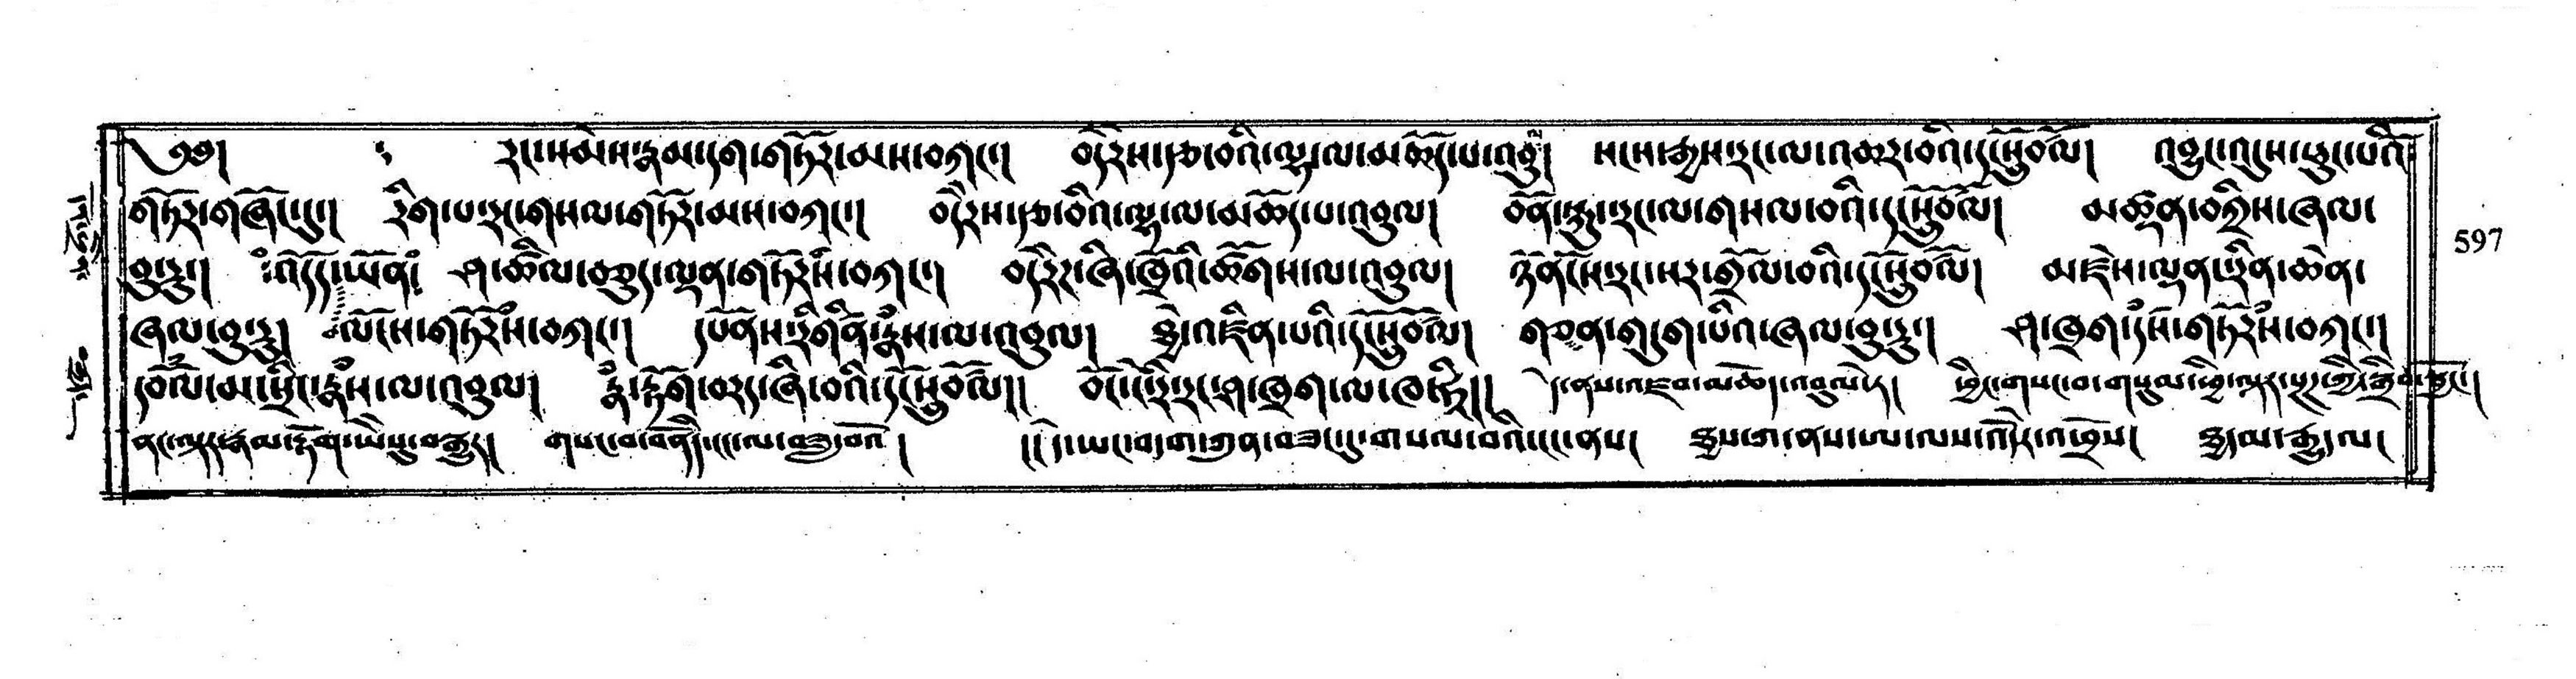རང་སེམས་རྣམ་དག་གཏོར་མས་བཀང་། བདེར་གཤེགས་རྩ་བའི་ལྷ་ལ་མཆོད་པ་འབུལ། སངས་རྒྱས་རང་ལ་འཆར་བའི་དངོས་གྲུབ་སྩོལ། འབྱུང་འདུས་ཕུང་པོའི་
གཏོར་གཞོང་དུ། རིག་པ་རང་གསལ་གཏོར་མས་བཀང་། བདེར་གཤེགས་རྩ་བའི་ལྷ་ལ་མཆོད་པ་འབུལ། བོན་སྐུ་རང་ལ་གསལ་བའི་དངོས་གྲུབ་སྩོལ། མཚན་ལྡན་བཀྲ་ཤིས་ཞལ་
བུ་རུ། ཤ་ཚིལ་བཅུད་ལྡན་གཏོར་མས་བཀང་། བདེར་གཤེགས་ཞི་ཁྲོའི་ཚོགས་ལ་འབུལ། ཉོན་མོངས་རང་སར་གྲོལ་བའི་དངོས་གྲུབ་སྩོལ། མཛེས་ལྡན་རིན་ཆེན་
ཞལ་བུ་རུ། འདོད་ཡོན་ལོངས་སྤྱོད་གཏོར་མས་བཀང་། དཔོན་གསས་རིག་འཛིན་རྣམས་ལ་འབུལ། ཐུགས་རྗེ་འཛིན་པའི་དངོས་གྲུབ་སྩོལ། གཅན་གཟན་གདུག་པའི་ཞལ་བུ་རུ། ཤ་ཁྲག་དམ་རྫས་གཏོར་མས་བཀང་། 
དབལ་མོ་མ་སྲིང་རྣམས་ལ་འབུལ། རྣམ་རྟོག་བར་ཆད་ཞི་བའི་དངོས་གྲུབ་སྩོལ།། བོང་ངེ་རི་རང་ཤ་ཁྲག་ལ་ཁ་ཧཱི།། དེ་ནས་འཛབ་མཆོད་འབུལ་ཏེ། ཕྱི་ནང་གསང་བ་གསུམ་ཕྱི་ལྟར་སྔགས་ཀྱི་སྒྲིབ་སྦྱོང་།
 ནང་ལྟར་རྣམ་རྟོག་ཡེ་ཤེས་སུ་བསྒྱུར། གསང་བ་བོན་ཉིད་ངང་ལ་བཟླ་བའོ། །།དེ་ཡང་བདག་ཀུན་བཟང་དུ་གསལ་བའི་ངང་ནས། ཐུགས་ཀ་ནས་ཨ་ལས་འོད་ཟེར་འཕྲོས། ཐུགས་དམ་རྒྱུད་བསྐུལ་